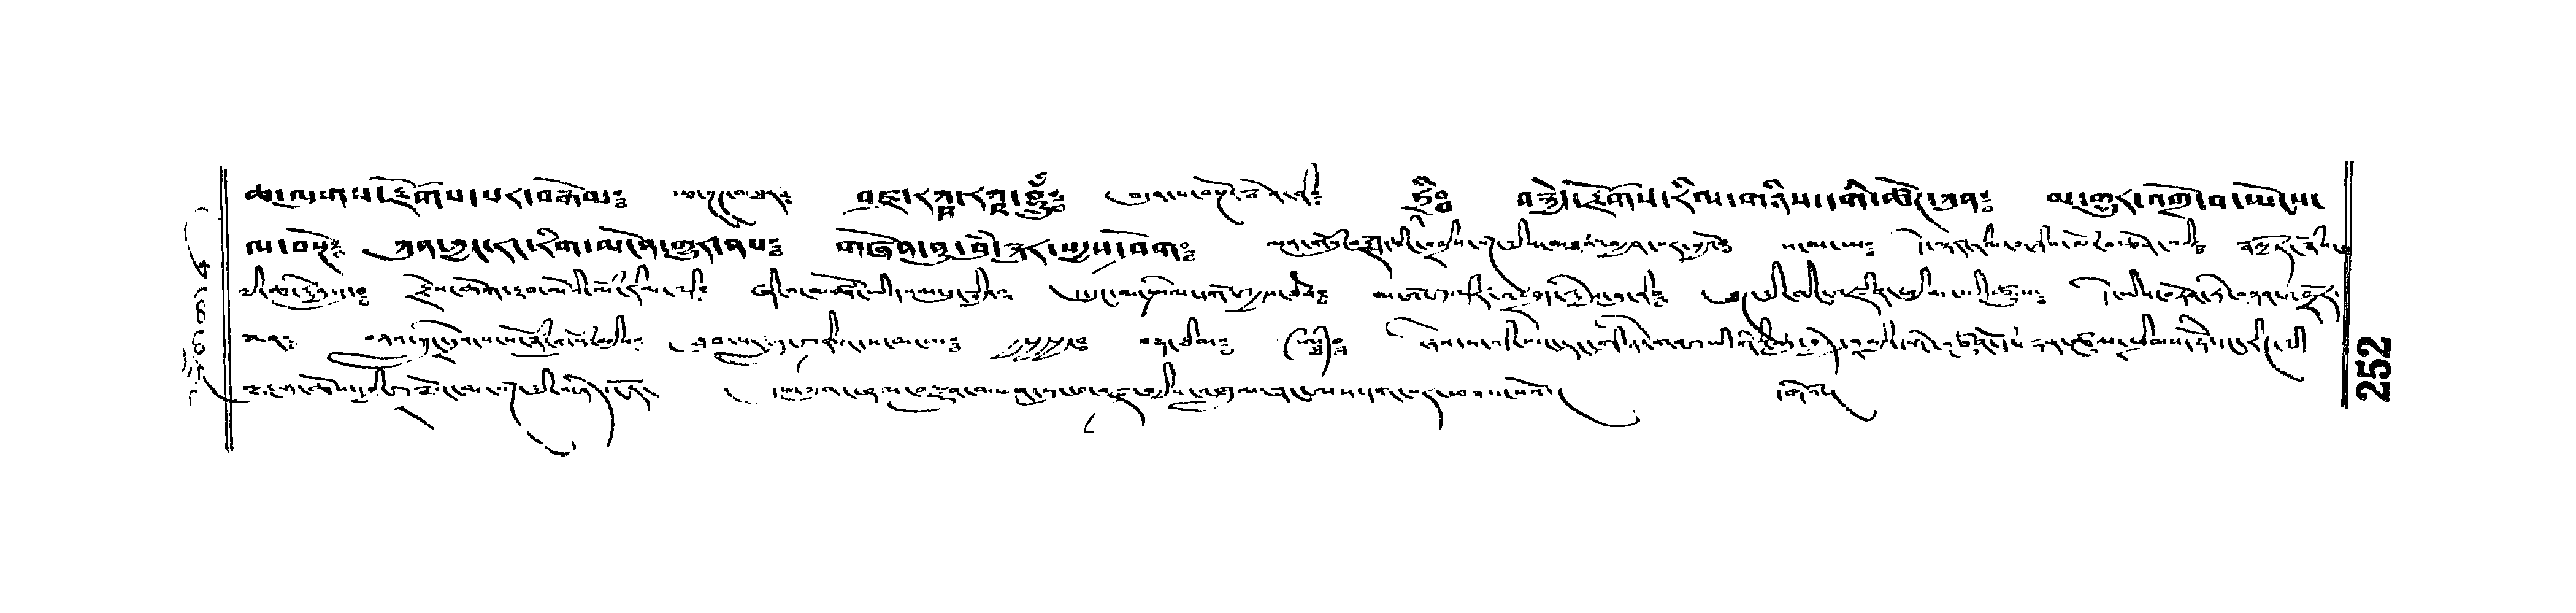ཆ་ལུགས་རྫོགས་པར་བསྒོམ༔ རྩ་སྔགས་མཐར༔ བཛྲ་རཀྵ་རཀྵ་བྷྲཱུྃ༔ བདུན་པ་བསྔོ་སྨོན་ནི༔ ཧྲཱིཿ བསྐྱེད་རྫོགས་རིམ་གཉིས་དགེ་ཚོགས་ཀུན༔ མ་གྱུར་འགྲོ་བ་ཡོངས་
ལ་བསྔོ༔ ཀུན་ཀྱང་རང་རིག་མངོན་གྱུར་ནས༔ གཞོན་ནུ་བུམ་སྐུར་སངས་རྒྱས་ཤོག༔ ལན་གསུམ་བརྗོད་ཅིང་བཀྲ་ཤིས་སོགས་ཀྱིས་མཐའ་བརྒྱན་པར་བྱའོ༔ ས་མ་ཡ༔ དེ་ལྟར་རིམ་གཉིས་ལམ་བརྩོན་པའི༔ རྣལ་འབྱོར་རྣམས་
ཀྱི་ཆ་རྐྱེན་དུ༔ རྗེས་ཆོག་ཟབ་མོའི་ལམ་རིམ་འདི༔ ཞི་བ་འཚོ་ཡི་དཔལ་དུ་སྦྱིན༔ ད་དུང་མ་སྤེལ་དགོངས་རྒྱས་ཐོབ༔ མ་འོངས་འདིར་འཕྲད་སྐྱེས་བུ་ནི༔ ཐུགས་ཀྱི་མིང་འཛིན་ཁྱིམ་པའི་ཚུལ༔ དེ་ཡིས་བཏོན་ཏེ་བསྟན་འགྲོར་
སྨན། བཀའ་སྲུང་དྲེགས་པ་རྣམ་གསུམ་གྱིས༔ ཐུབ་པར་སྲུངས་ཤིག་ས་མ་ཡ༔ རྒྱ་རྒྱ་རྒྱཿ བརྡ་ཐིམ༔ ༔ ཞེས་པ་འདི་ཡང་རང་གི་ཉེ་གནས་ཡི་གེའི་འདུ་བྱེད་ཤཱཀྱའི་དགེ་བཙུན་དམ་ལྡན་ཚུལ་ཁྲིམས་རྡོ་རྗེ་དང་རིགས་ཀྱི་
མྱུ་གུ་ཆོས་དབྱིངས་སྒྲོན་མ་སོགས་ཀྱི་གཞེད་ངོར། དུས་ཀུན་ཞལ་བརྫུན་མཁན་སུ་བ་བཛྲ་གྱིས་འཁྲུལ་སྣང་ལས་དག་པར་ཕབ་པ་དགེའོ།།